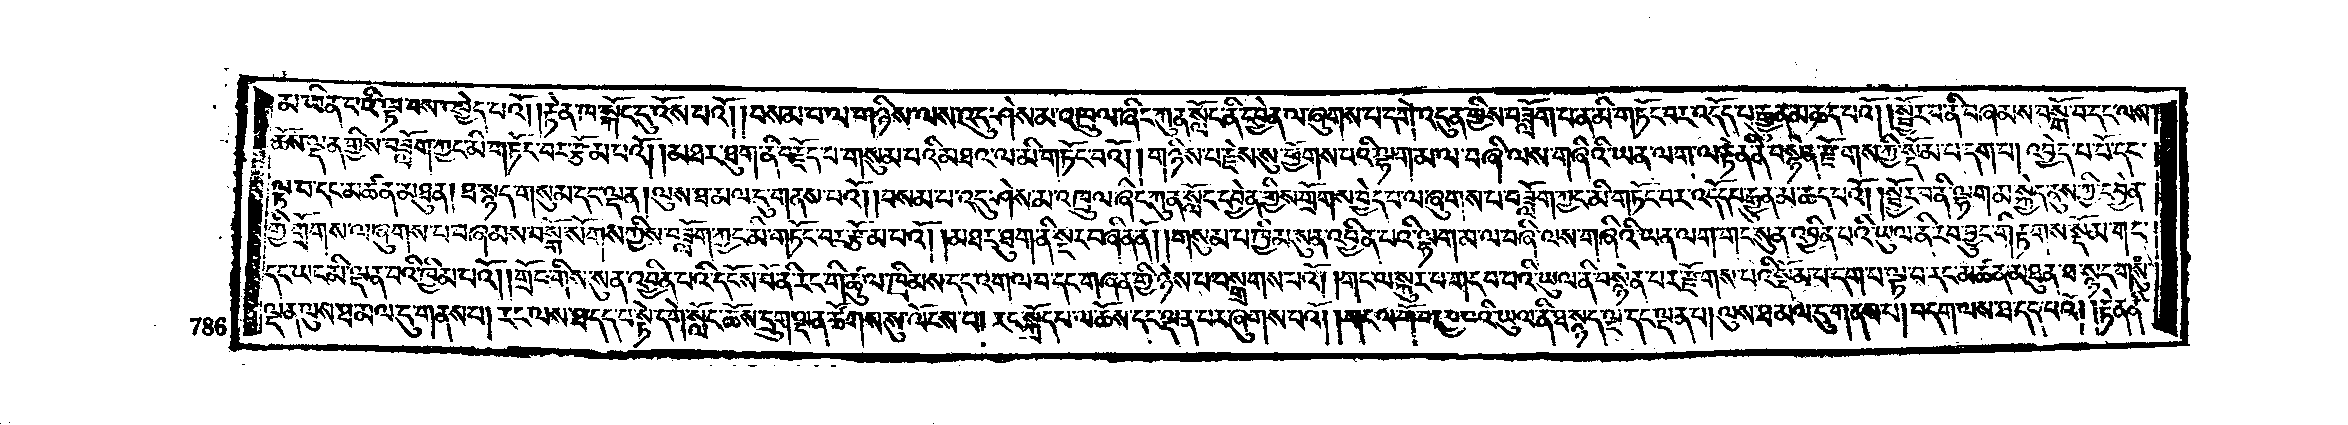མ་ཡིན་པའི་ལྟ་བས་འབྱེད་པའོ། །རྟེན་ཁ་སྐོང་དུ་འོས་པའོ། །བསམ་པ་ལ་གཉིས་ལས་འདུ་ཤེས་མ་འཁྲུལ་ཞིང་ཀུན་སློང་ནི་དབྱེན་ལ་ཞུགས་པ་དགེ་འདུན་གྱིས་བཟློག་པ་ན་མི་གཏོང་བར་འདོད་པ་རྒྱུན་མ་ཆད་པའོ། །སྦྱོར་བ་ནི་བཞམས་བསྒོ་བ་དང་ལས་
ཆོས་ལྡན་གྱིས་བཟློག་ཀྱང་མི་གཏོང་བར་རྩོམ་པའོ། །མཐར་ཐུག་ནི་བརྗོད་པ་གསུམ་པའི་མཐའ་ལ་མི་གཏོང་བའོ། །གཉིས་པ་རྗེས་སུ་ཕྱོགས་པའི་ལྷག་མ་ལ་བཞི་ལས་གཞིའི་ཡན་ལག་ལ་རྟེན་ནི་བསྙེན་རྫོགས་ཀྱི་སྡོམ་པ་དག་པ། འབྱེད་པ་པོ་དང་
ལྟ་བ་དང་མཚན་མཐུན། ཐ་སྙད་གསུམ་དང་ལྡན། ལུས་ཐ་མལ་དུ་གནས་པའོ། །བསམ་པ་འདུ་ཤེས་མ་འཁྲུལ་ཞིང་ཀུན་སློང་དབྱེན་གྱིས་གྲོགས་བྱེད་པ་ལ་ཞུགས་པ་བཟློག་ཀྱང་མི་གཏོང་བར་འདོད་པ་རྒྱུན་མ་ཆད་པའོ། །སྦྱོར་བ་ནི་ལྷག་མ་སྐྱེད་ནུས་ཀྱི་དབྱེན་
གྱི་གྲོགས་ལ་ཞུགས་པ་བཞམས་བསྒོ་སོགས་ཀྱིས་བཟློག་ཀྱང་མི་གཏོང་བར་རྩོམ་པའོ། །མཐར་ཐུག་ནི་སྔར་བཞིན་ནོ། །གསུམ་པ་ཁྱིམ་སུན་འབྱིན་པའི་ལྷག་མ་ལ་བཞི་ལས་གཞིའི་ཡན་ལག་གང་སུན་འབྱིན་པའི་ཡུལ་ནི་རབ་བྱུང་གི་རྟགས་སྡོམ་གང་
དང་ཡང་མི་ལྡན་པའི་ཁྱིམ་པའོ། །གྲོང་གིས་སུན་འབྱིན་པའི་དངོས་པོ་ནི་རང་གི་ཚུལ་ཁྲིམས་དང་འགལ་བ་དང་གཞན་གྱི་ཉེས་པ་བསྒྲགས་པའོ། །གང་ལ་སྐུར་པ་གདབ་པའི་ཡུལ་ནི་བསྙེན་པར་རྫོགས་པའི་སྡོམ་པ་དག་པ་ལྟ་བ་རང་མཚན་མཐུན་ཐ་སྙད་གསུམ་
ལྡན་ལུས་ཐ་མལ་དུ་གནས་པ། རང་ལས་ཐ་དད་པ་སྟེ་དགེ་སློང་ཆོས་དྲུག་ལྡན་ཚོགས་སུ་ལོངས་པ། རང་སྐྲོད་པ་ལ་ཆོས་དང་ལྡན་པར་ཞུགས་པའོ། །གང་ལ་གོ་བར་བྱ་བའི་ཡུལ་ནི་ཐ་སྙད་ལྔ་དང་ལྡན་པ། ལུས་ཐ་མལ་དུ་གནས་པ། བདག་ལས་ཐ་དད་པའོ། །རྟེན་ནི་